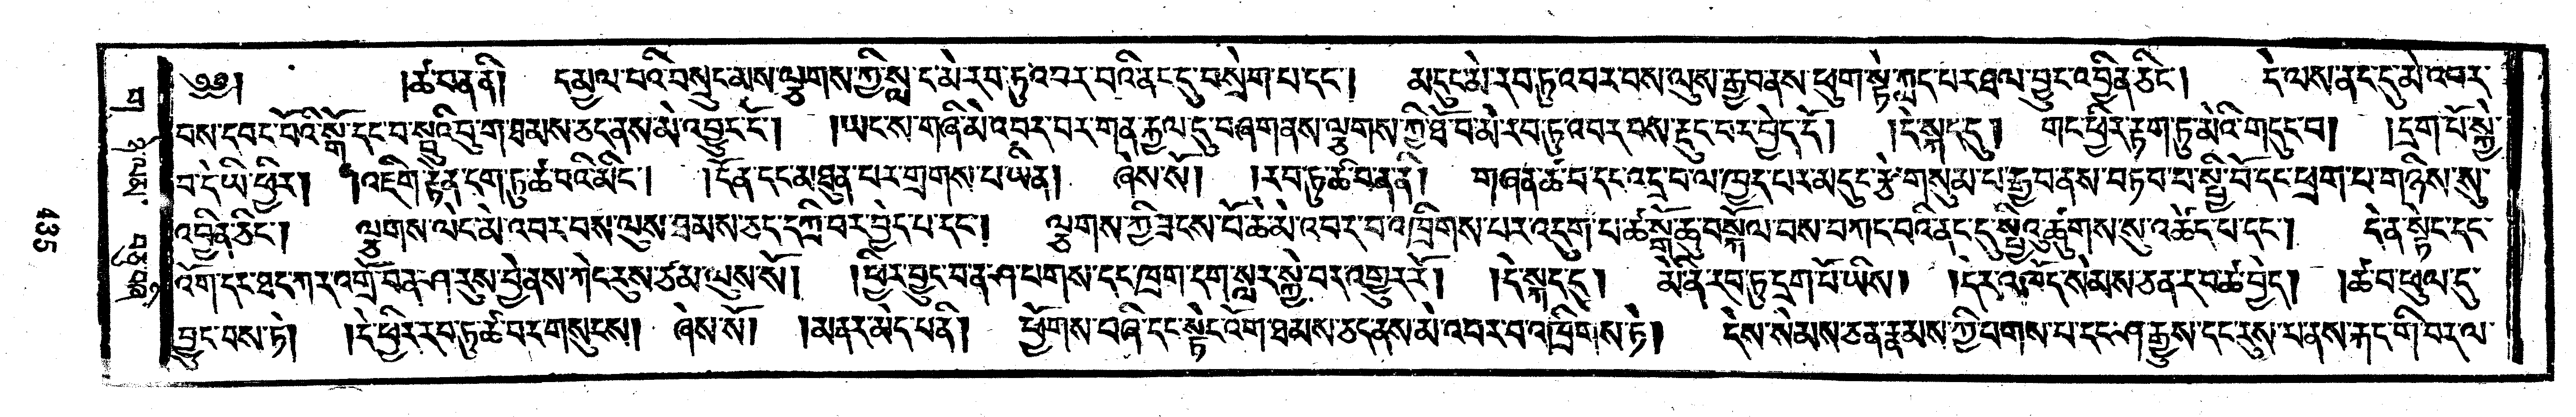༄༅། །ཚ་བན་ནི། དམྱལ་བའི་བསྲུང་མས་ལྕགས་ཀྱི་སླ་ང་མེ་རབ་ཏུ་འབར་བའི་ནང་དུ་བསྲེག་པ་དང་། མདུང་མེ་རབ་ཏུ་འབར་བས་ལུས་རྒྱབ་ནས་ཕུག་སྟེ་ཀླད་པར་ཐལ་བྱུང་འབྱིན་ཅིང་། དེ་ལས་ནང་དུ་མེ་འབར་
བས་དབང་པོའི་སྒོ་དང་བ་སྤུའི་བུ་ག་ཐམས་ཅད་ནས་མེ་འབྱུང་ངོ། །ཡང་ས་གཞི་མེ་འབར་བར་གན་རྐྱལ་དུ་བཞག་ནས་ལྕགས་ཀྱི་ཐོ་བ་མེ་རབ་ཏུ་འབར་བས་རྡུང་བར་བྱེད་དོ། །དེ་སྐད་དུ། གང་ཕྱིར་རྟག་ཏུ་མེའི་གདུང་བ། །དྲག་པོ་སྐྱེ་
བ་དེ་ཡི་ཕྱིར། །འཇིག་རྟེན་དག་ཏུ་ཚ་བའི་མིང་། །དོན་དང་མཐུན་པར་གྲགས་པ་ཡིན། ཞེས་སོ། །རབ་ཏུ་ཚ་བ་ན་ནི། གཞན་ཚ་བ་དང་འདྲ་བ་ལ་ཁྱད་པར་མདུང་རྩེ་གསུམ་པ་རྒྱབ་ནས་བཏབ་པ་སྤྱི་བོ་དང་ཕྲག་པ་གཉིས་སུ་
འབྱིན་ཅིང་། ལྕགས་ལེང་མེ་འབར་བས་ལུས་ཐམས་ཅད་དཀྲི་བར་བྱེད་པ་དང་། ལྕགས་ཀྱི་ཟངས་བོ་ཆེ་མེ་འབར་བ་འཁྲིགས་པར་འདུག་པ་ཚ་སྒོ་ཆུ་བསྐོལ་བས་བཀང་བའི་ནང་དུ་སྤྱིའུ་ཚུགས་སུ་འཚེད་པ་དང་། དེ་ན་སྟེང་དང་
འོག་དར་ཐང་ཀར་འགྲོ་བན་ཤ་རུས་བྱེད་ནས་ཀེང་རུས་ཙམ་ལུས་སོ། །ཕྱིར་བྱུང་བ་ན་ཤ་པགས་དང་ཁྲག་དག་སླར་སྐྱེ་བར་འགྱུར་རོ། །དེ་སྐད་དུ། མེ་ནི་རབ་ཏུ་དྲག་པོ་ཡིས། །དེར་འཁོད་སེམས་ཅན་རབ་ཚ་བྱེད། །ཚ་བ་ཕུལ་དུ་
བྱུང་བས་ཏེ། །དེ་ཕྱིར་རབ་ཏུ་ཚ་བར་གསུངས། ཞེས་སོ། །མནར་མེད་པ་ནི། ཕྱོགས་བཞི་དང་སྟེང་འོག་ཐམས་ཅད་ནས་མེ་འབར་བ་འཁྲིགས་ཏེ། དེས་སེམས་ཅན་རྣམས་ཀྱི་པགས་པ་དང་ཤ་རྒྱུས་དང་རུས་པ་ནས་རྐང་གི་བར་ལ་